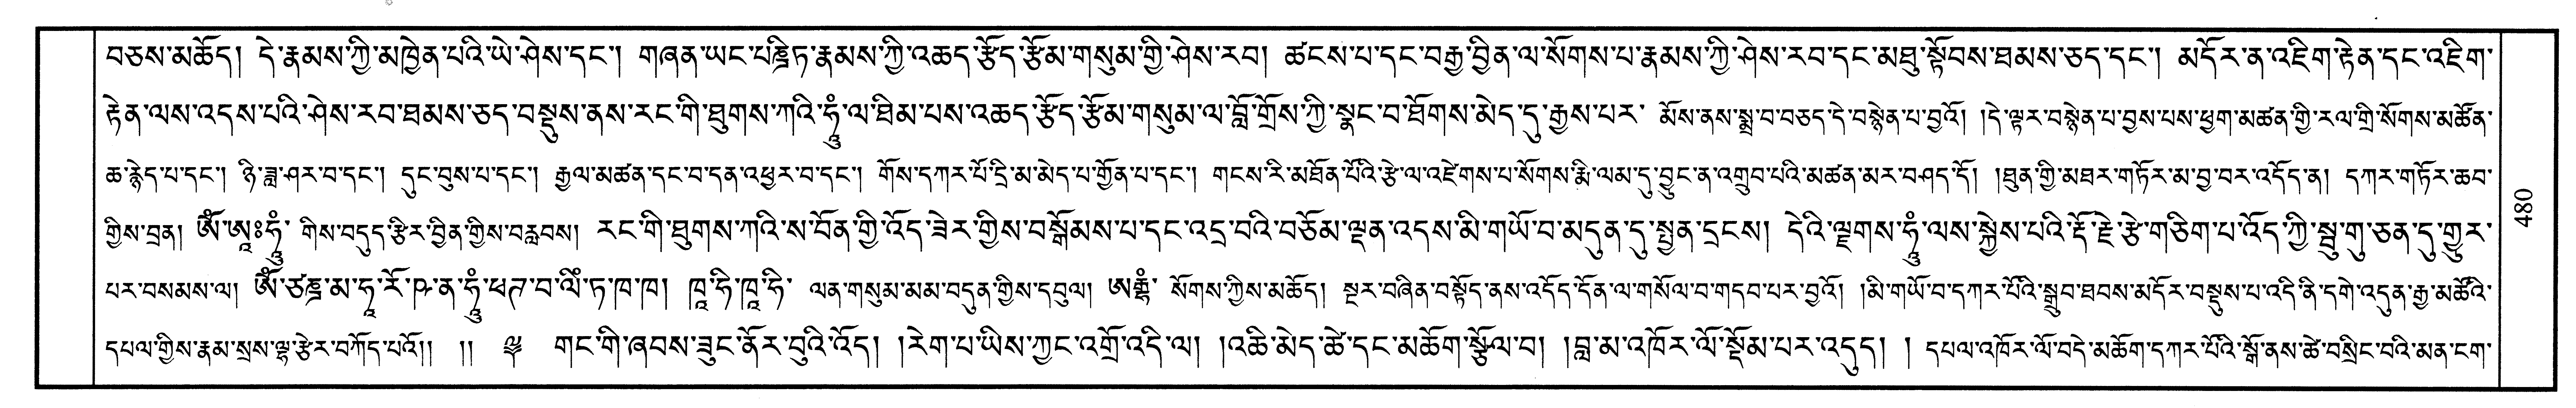བཅས་མཆོད། དེ་རྣམས་ཀྱི་མཁྱེན་པའི་ཡེ་ཤེས་དང་། གཞན་ཡང་པཎྜིཏ་རྣམས་ཀྱི་འཆད་རྩོད་རྩོམ་གསུམ་གྱི་ཤེས་རབ། ཚངས་པ་དང་བརྒྱ་བྱིན་ལ་སོགས་པ་རྣམས་ཀྱི་ཤེས་རབ་དང་མཐུ་སྟོབས་ཐམས་ཅད་དང་། མདོར་ན་འཇིག་རྟེན་དང་འཇིག་
རྟེན་ལས་འདས་པའི་ཤེས་རབ་ཐམས་ཅད་བསྡུས་ནས་རང་གི་ཐུགས་ཀའི་ཧཱུཾ་ལ་ཐིམ་པས་འཆད་རྩོད་རྩོམ་གསུམ་ལ་བློ་གྲོས་ཀྱི་སྣང་བ་ཐོགས་མེད་དུ་རྒྱས་པར་མོས་ནས་སྨྲ་བ་བཅད་དེ་བསྙེན་པ་བྱའོ། །དེ་ལྟར་བསྙེན་པ་བྱས་པས་ཕྱག་མཚན་གྱི་རལ་གྲི་སོགས་མཚོན་
ཆ་རྙེད་པ་དང་། ཉི་ཟླ་ཤར་བ་དང་། དུང་བུས་པ་དང་། རྒྱལ་མཚན་དང་བ་དན་འཕྱར་བ་དང་། གོས་དཀར་པོ་དྲི་མ་མེད་པ་གྱོན་པ་དང་། གངས་རི་མཐོན་པོའི་རྩེ་ལ་འཛེགས་པ་སོགས་རྨི་ལམ་དུ་བྱུང་ན་འགྲུབ་པའི་མཚན་མར་བཤད་དོ། །ཐུན་གྱི་མཐར་གཏོར་མ་བྱ་བར་འདོད་ན། དཀར་གཏོར་ཆབ་
གྱིས་བྲན། ཨོཾ་ཨཱཿ ཧཱུཾ་གིས་བདུད་རྩིར་བྱིན་གྱིས་བརླབས། རང་གི་ཐུགས་ཀའི་ས་བོན་གྱི་འོད་ཟེར་གྱིས་བསྒོམས་པ་དང་འདྲ་བའི་བཅོམ་ལྡན་འདས་མི་གཡོ་བ་མདུན་དུ་སྤྱན་དྲངས། དེའི་ལྗགས་ཧཱུཾ་ལས་སྐྱེས་པའི་རྡོ་རྗེ་རྩེ་གཅིག་པ་འོད་ཀྱི་སྦུ་གུ་ཅན་དུ་གྱུར་
པར་བསམས་ལ། ཨོཾ་ཙཎྜ་མ་ཧཱ་རོ་ཥ་ན་ཧཱུཾ་ཕཊ་བ་ལིཾ་ཏ་ཁ་ཁ། ཁཱ་ཧི་ཁཱ་ཧི་ལན་གསུམ་མམ་བདུན་གྱིས་དབུལ། ཨརྒྷཾ་སོགས་ཀྱིས་མཆོད། སྔར་བཞིན་བསྟོད་ནས་འདོད་དོན་ལ་གསོལ་བ་གདབ་པར་བྱའོ། །མི་གཡོ་བ་དཀར་པོའི་སྒྲུབ་ཐབས་མདོར་བསྡུས་པ་འདི་ནི་དགེ་འདུན་རྒྱ་མཚོའི་
དཔལ་གྱིས་རྣམ་སྲས་ལྷ་རྩེར་བཀོད་པའོ།། །། ༈ གང་གི་ཞབས་ཟུང་ནོར་བུའི་འོད། །རེག་པ་ཡིས་ཀྱང་འགྲོ་འདི་ལ། །འཆི་མེད་ཚེ་དང་མཆོག་སྩོལ་བ། །བླ་མ་འཁོར་ལོ་སྡོམ་པར་འདུད། །དཔལ་འཁོར་ལོ་བདེ་མཆོག་དཀར་པོའི་སྒོ་ནས་ཚེ་བསྲིང་བའི་མན་ངག་